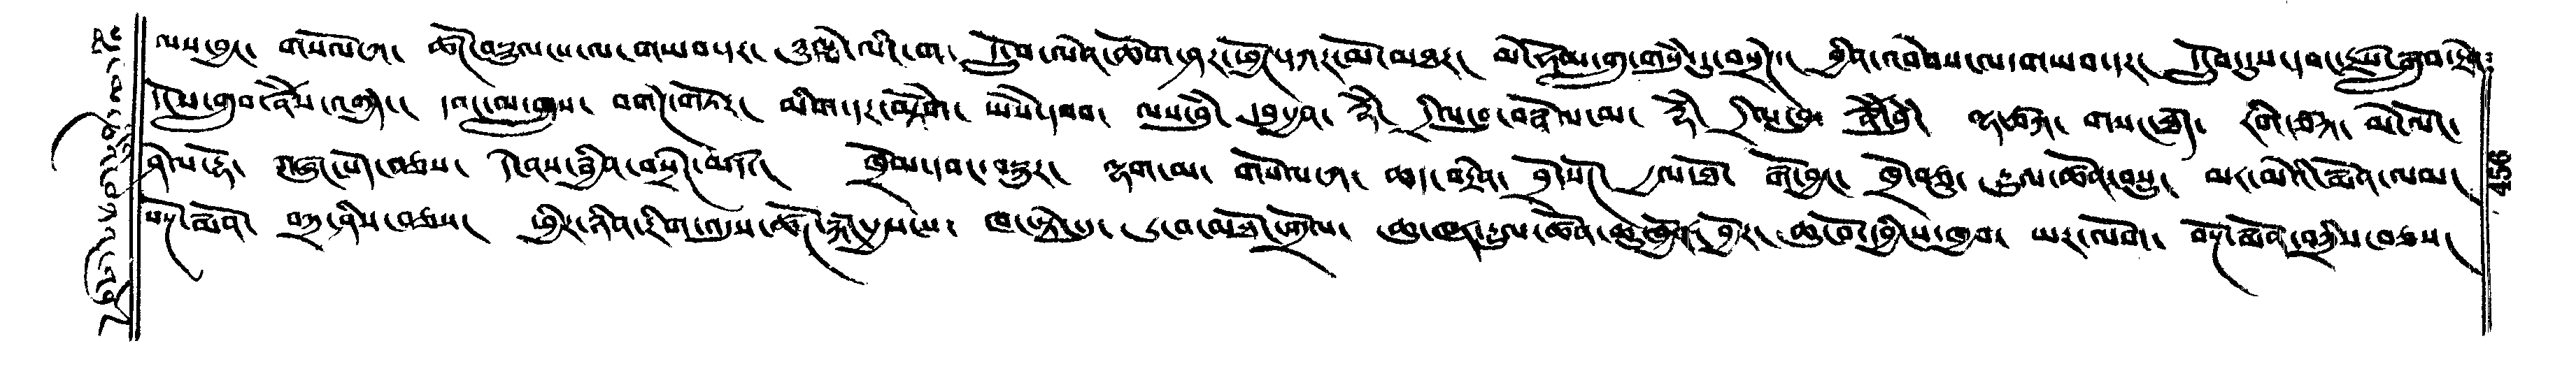ལས་བྱང་། གསོལ་ཀ ཚོགས་བསྐུལ་པ་ལ། གཡབ་དར། ཉུལླེ་ལིང་ག དངོས་གྲུབ་ལེན་ཆོག་ཤར་ཕྱོགས་དཀར་མོ་མཐར། མེ་ཧོམ་གྲུ་གསུམ་དུ་བསྲེག བྱིན་འབེབས་ལ་གཡབ་དར། དངོས་གྲུབ་དུས་དབང་རྫས་སྒྲུབ་རྟེན་
དངོས་གྲུབ་རྣམས་འགྱེད། དབང་ལ་ཁྲུས། བགེགས་གཏོར། མིག་དར་མེ་ཏོག ཡེ་ཤེས་དབབ། ལས་བུམ། དབུ་རྒྱན། རྡོ་རྗེ། དྲིལ་བུ། རྣམ་བུམ། ལྷ་ཙཀ གསང་ཐོད། རིག་ཙཀ མེ་ལོང་། 
ཤེལ་རྡོ། གཞུང་པོད་བཅས། དེ་ནས་སྦྱིན་སྲེག་མཛད། ཁྲོམ་དབང་བསྐུར། ལྷག་མ། གསོལ་ཀ ཆད་བརྟན། བྲོ་སོགས། རྒྱལ་ཐོ། སྒོ་བྱང་། ཁྲོ་བཅུ། རྡུལ་ཚོན་བསྡུ། མར་མེའི་སྨོན་ལམ། 
བསྔོ་སྨོན། བཀྲ་ཤིས་བཅས། ཕྱིར་ཉིན་རིག་འདུས་ཚོགས་སྐོང་རྒྱས་པ། ཁང་སྟེང་དུ་དུ་བ་མཐོང་གྲོལ། ཆུ་ཁར་རྡུལ་ཚོན་ཆུར་བྱོ་བས་ཆུ་བོ་དབྱིངས་ཁྱབ། ཡར་ལོག བསྔོ་སྨོན་བཀྲ་ཤིས་བཅས།། དགེའོ།།